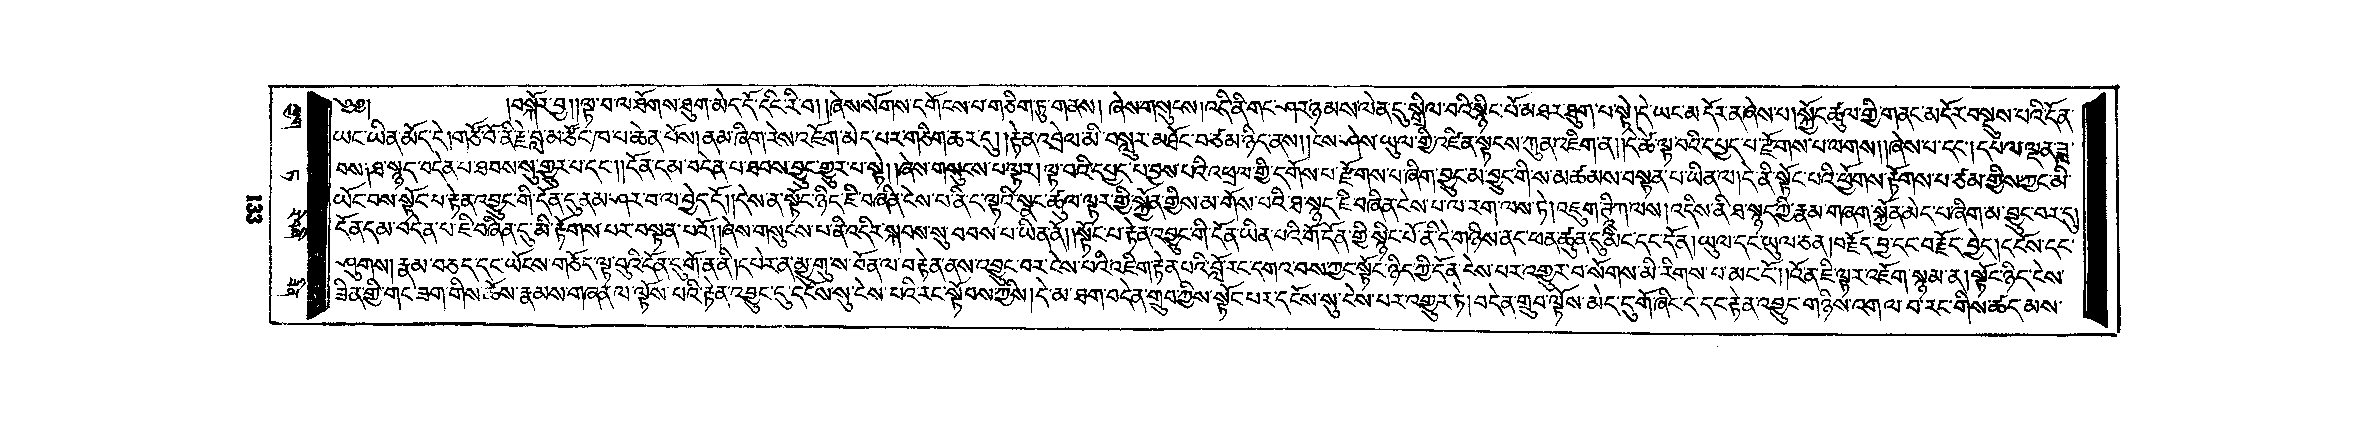༄༅། །བསྐོར་བྱ། །ལྟ་བ་ལ་ཐོགས་ཐུག་མེད་དོ་དིང་རི་བ། །ཞེས་སོགས་དགོངས་པ་གཅིག་ཏུ་གནས། ཞེས་གསུངས། འདི་ནི་གང་ཤར་ཉམས་ལེན་དུ་སྒྲིལ་བའི་སྙིང་པོ་མཐར་ཐུག་པ་སྟེ། དེ་ཡང་མདོར་ན་ཞེས་པ། སྐྱོང་ཚུལ་གྱི་གནང་མདོར་བསྡུས་པའི་དོན་
ཡང་ཡིན་མོད་དེ། གཙོ་བོ་ནི་རྗེ་བླ་མ་ཙོང་ཁ་པ་ཆེན་པོས། ནམ་ཞིག་རེས་འཇོག་མེད་པར་གཅིག་ཆར་དུ། །རྟེན་འབྲེལ་མི་བསླུར་མཐོང་བ་ཙམ་ཉིད་ནས། །ངེས་ཤེས་ཡུལ་གྱི་འཛིན་སྟངས་ཀུན་འཇིག་ན། །དེ་ཚེ་ལྟ་བའི་དཔྱད་པ་རྫོགས་པ་ལགས། །ཞེས་པ་དང་། དཔལ་ལྡན་ཟླ་
བས། ཐ་སྙད་བདེན་པ་ཐབས་སུ་གྱུར་པ་དང་། །དོན་དམ་བདེན་པ་ཐབས་བྱུང་གྱུར་པ་སྟེ། །ཞེས་གསུངས་པ་ལྟར། ལྟ་བའི་དཔྱད་པ་བྱས་པའི་འཕྲལ་གྱི་དགོས་པ་རྫོགས་པ་ཞིག་བྱུང་མ་བྱུང་གི་ས་མཚམས་བསྟན་པ་ཡིན་ལ། དེ་ནི་སྟོང་པའི་ཕྱོགས་རྟོགས་པ་ཙམ་གྱིས་ཀྱང་མི་
ཡོང་བས་སྟོང་པ་རྟེན་འབྱུང་གི་དོན་དུ་ནམ་ཤར་བ་ལ་བྱེད་དོ། །དེས་ན་སྟོང་ཉིད་ཇི་བཞིན་ངེས་པ་ནི་ད་ལྟའི་སྣང་ཚུལ་ལྟར་གྱི་སྐྱོན་གྱིས་མ་གོས་པའི་ཐ་སྙད་ཇི་བཞིན་ངེས་པ་ལ་རག་ལས་ཏེ། འཇུག་ཊཱིཀ་ལས། འདིས་ནི་ཐ་སྙད་ཀྱི་རྣམ་གཞག་སྐྱོན་མེད་པ་ཞིག་མ་བྱུང་བར་དུ།
དོན་དམ་བདེན་པ་ཇི་བཞིན་དུ་མི་རྟོགས་པར་བསྟན་པའོ། །ཞེས་གསུངས་པ་ནི་འདིར་སྐབས་སུ་བབས་པ་ཡིན་ནོ། །སྟོང་པ་རྟེན་འབྱུང་གི་དོན་ཡིན་པའི་གོ་དོན་གྱི་སྙིང་པོ་ནི་དེ་གཉིས་ནང་ཕན་ཚུན་དུ་མིང་དང་དོན། ཡུལ་དང་ཡུལ་ཅན། བརྗོད་བྱ་དང་བརྗོད་བྱེད། དངོས་དང་
ཤུགས། རྣམ་བཅད་དང་ཡོངས་གཅོད་ལྟ་བུའི་དོན་དུ་གོ་ན་ནི། དཔེར་ན་མྱུ་གུ་ས་བོན་ལ་བརྟེན་ནས་འབྱུང་བར་ངེས་པའི་འཇིག་རྟེན་པའི་བློ་རང་དགའ་བས་ཀྱང་སྟོང་ཉིད་ཀྱི་དོན་ངེས་པར་འགྱུར་བ་སོགས་མི་རིགས་པ་མང་ངོ། །འོ་ན་ཇི་ལྟར་འཇོག་སྙམ་ན། སྟོང་ཉིད་ངེས་
ཟིན་གྱི་གང་ཟག་གིས་ཆོས་རྣམས་གཞན་ལ་ལྟོས་པའི་རྟེན་འབྱུང་དུ་དངོས་སུ་ངེས་པའི་རང་སྟོབས་ཀྱིས། དེ་མ་ཐག་བདེན་གྲུབ་ཀྱིས་སྟོང་པར་དངོས་སུ་ངེས་པར་འགྱུར་ཏེ། བདེན་གྲུབ་ལྟོས་མེད་དུ་གོ་ཞིང་དེ་དང་རྟེན་འབྱུང་གཉིས་འགལ་བ་རང་གི་ཚད་མས་